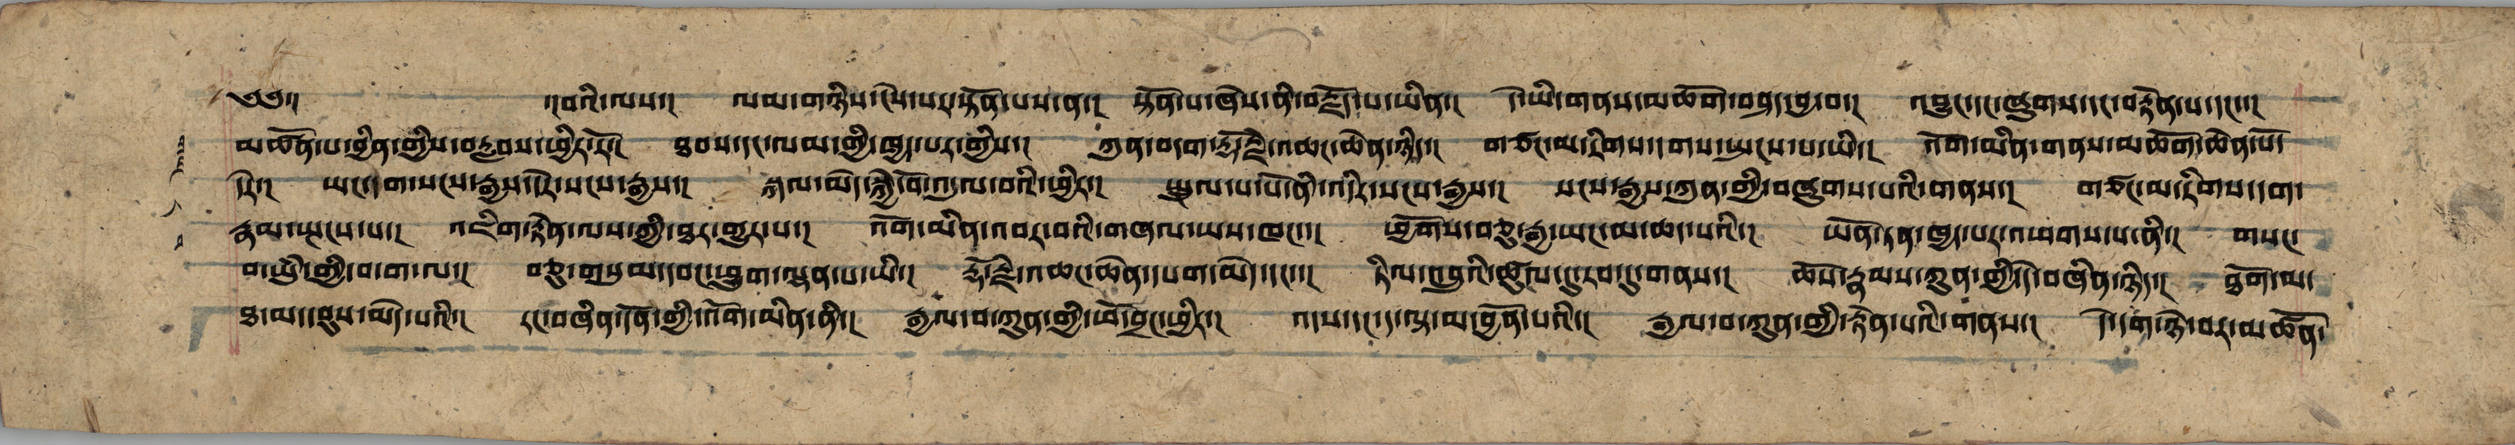༄༅་། ་བའི་ལས་། ལམ་གཉིས་ངེས་པར་སྟོན་པས་ན་། སྟོན་པ་ཞེས་ནི་བརྗོད་པ་ཡིན་། དེ་ཡི་གནས་མཆོག་བཤད་བྱ་བ་། འབྱུང་དང་ཞུགས་དང་བརྟེན་པ་དང་་།
མཚོན་པ་བྱིན་གྱིས་བརླབས་ཕྱིར་རོ་། ཐབས་དང་ལམ་གྱི་ཁྱད་པར་གྱིས་། ཀུན་བདག་རྡོ་རྗེ་འཆང་ཆེན་ཉིད་། གཙང་མ་རིགས་དགས་སྤངས་པ་ཡི་། འོག་མིན་གནས་མཆོག་ཆེན་པོ་
དེར་། ཡང་དག་སངས་རྒྱས་དེར་སངས་རྒྱས་། སྐལ་མེད་སྐྱེ་བོ་འདུལ་བའི་ཕྱིར་། སྤྲུལ་པ་པོ་ནི་འདིར་སངས་རྒྱས་། སངས་རྒྱས་ཀུན་གྱི་བཞུགས་པའི་གནས་། གཙང་མ་རིགས་དག་
རྣམ་སྤངས་པ་། འཇིག་རྟེན་ལས་ཀྱི་ཐར་གྱུར་པ་། འོག་མིན་འབར་བའི་གཞལ་ཡས་ཁང་་། ཕྱོགས་བཅུ་རྒྱ་ཡང་མ་ཆད་པའི་། ཡོན་ཏན་ཁྱད་པར་འཕགས་པ་ནི་། གསང་
བ་ཡུཾ་གྱི་བདག་ལ་། བཅུ་གསུམ་དབང་ཕྱུག་ལྡན་པ་ཡི་། རྡོ་རྗེ་འཆང་ཆེན་དཔག་མེད་དང་་། ཏིལ་འབྲུའི་ཚུལ་དུ་རབ་དུ་གནས་། ཆོས་རྣམས་ཀུན་གྱི་དེ་བཞིན་ཉིད་། ཐོག་མ་
ཐ་མ་དབུས་མེད་པའི་། རང་བཞིན་དོན་གྱི་འོག་མིན་ནི་། རྒྱལ་བ་ཀུན་གྱི་ཕོ་བྲང་ཕྱིར་། འདས་དང་ད་ལྟ་མ་བྱོན་པའི་། རྒྱལ་བ་ཀུན་གྱི་རྟེན་པའི་གནས་། དེ་དག་ཉེ་བར་མཚོན་